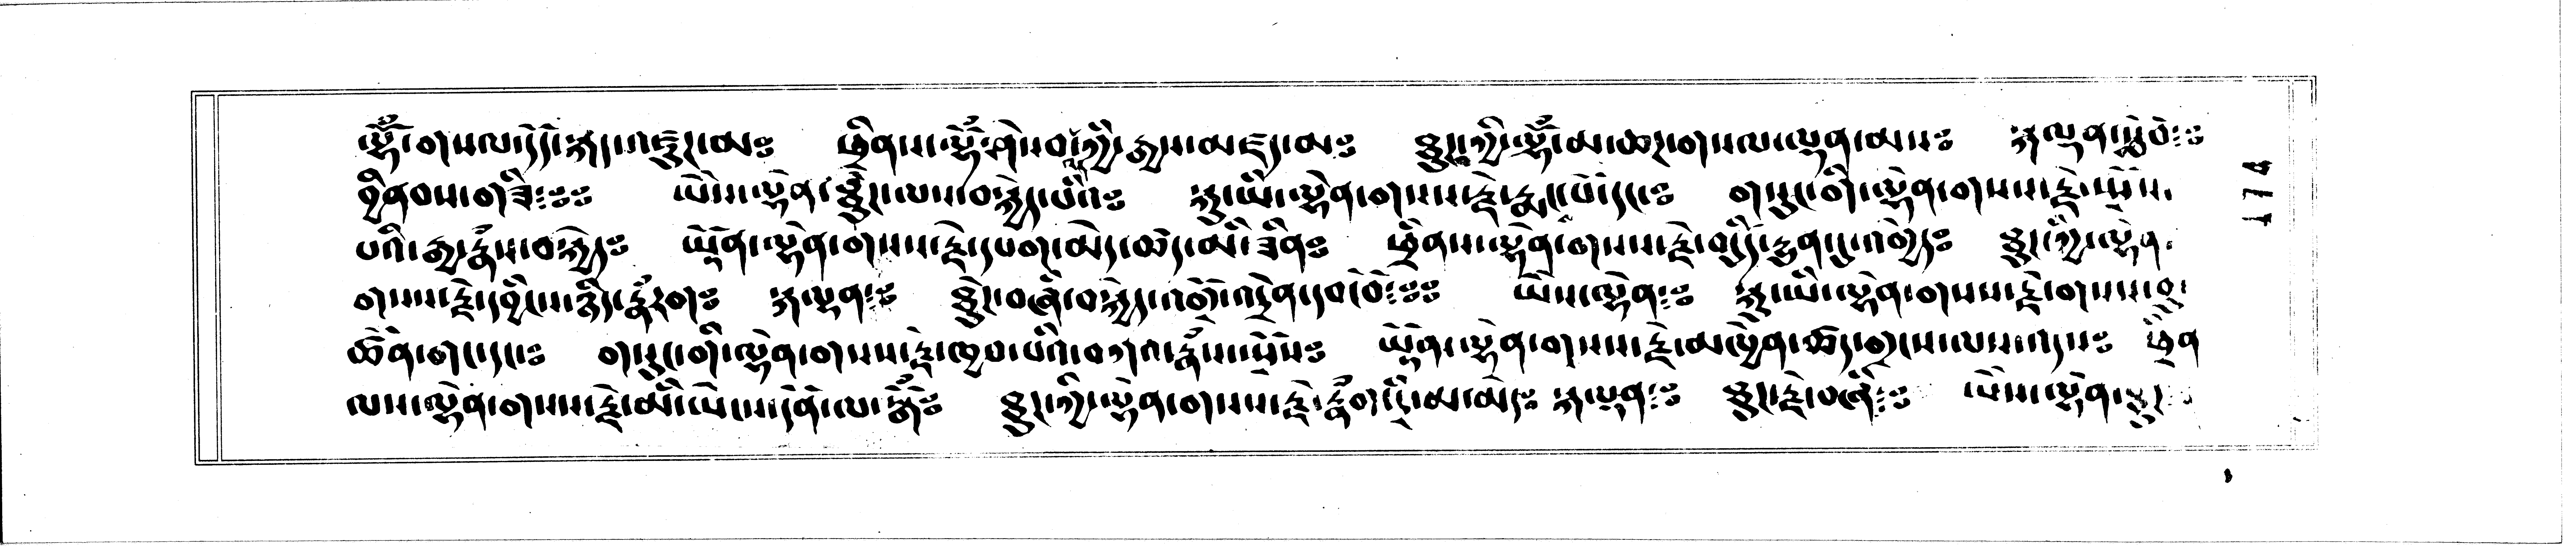ལྷ་མོ་གསལ་དོད་སྐས་འཛུགས་མཿ ཕྲིན་ལས་ཀྱི་ལྷ་མོ་ཤེས་རབ་ཀྱི་འོད་རྒྱས་མཛད་མཿ ཐུགས་ཀྱི་ལྷ་མོ་མ་ཆགས་གསལ་ལྡན་མཿ སྐལ་ལྡན་སློབ་མ་རྣམས་ལ་དབང་བསྐུར་བསཿ 
བྱིན་རླབས་གཟི་བརྗིད་འགྲོ་འདྲེན་དབང་ཐོབ་ཤོགཿ ཡེ་ཤེས་ལྷ་ཆེན་ཐུགས་རྗེ་ལས་བསྐྱེད་པའིཿ སྐུ་ཡི་ལྷ་ཆེན་གསས་རྗེ་རྨང་པོ་དངཿ གསུང་གི་ལྷ་ཆེན་གསས་རྗེ་སྤྲོས་
པའི་རྒྱ་རྣམས་བསྐྱེདཿ ཡོན་ཏན་ལྷ་ཆེན་གསས་རྗེ་དཔག་མེད་ཚད་མི་ཟིནཿ ཕྲིན་ལས་ཀྱི་ལྷ་ཆེན་གསས་རྗེ་བདུད་རྩི་རྒྱུན་དུ་འབྱེདཿ ཐུགས་ཀྱི་ལྷ་ཆེན་
གསས་རྗེ་དབྱིངས་ཉིད་རྣམ་པར་དགཿ སྐལ་ལྡན་སློབ་མ་རྣམས་ལ་དབང་བསྐུར་བསཿ ཐུགས་རྗེ་བཞི་བསྐྱེད་འགྲོ་འདྲེན་དབང་ཐོབ་ཤོགཿ ཡེ་ཤེས་ལྷ་ཆེན་ཐུགས་རྗེ་ལས་བསྐྱེད་པའིཿ སྐུ་ཡི་ལྷ་ཆེན་གསས་རྗེ་གསས་བུ་
ཚོན་གང་དངཿ གསུང་གི་ལྷ་ཆེན་གསས་རྗེ་ཁྱབ་པའི་བཀའ་རྣམས་སྤྲོས་དངཿ ཡོན་ཏན་གྱི་ལྷ་ཆེན་གསས་རྗེ་མཁྱེན་ཚད་གྲངས་ལས་འདསཿ ཕྲིན་
ལས་ཀྱི་ལྷ་ཆེན་གསས་རྗེ་མི་ཡེངས་དོན་ལ་བསྒོམཿ ཐུགས་ཀྱི་ལྷ་ཆེན་གསས་རྗེ་རྣམ་དག་དྲི་མ་མེདཿ སྐལ་ལྡན་སློབ་མ་རྣམས་ལ་དབང་བསྐུར་བསཿ ཐུགས་རྗེ་བཞི་བསྐྱེད་འགྲོ་འདྲེན་དབང་ཐོབ་ཤོགཿ ཡེ་ཤེས་ལྷ་ཆེན་ཐུགས་རྗེ་ལས་བསྐྱེད་པའིཿ